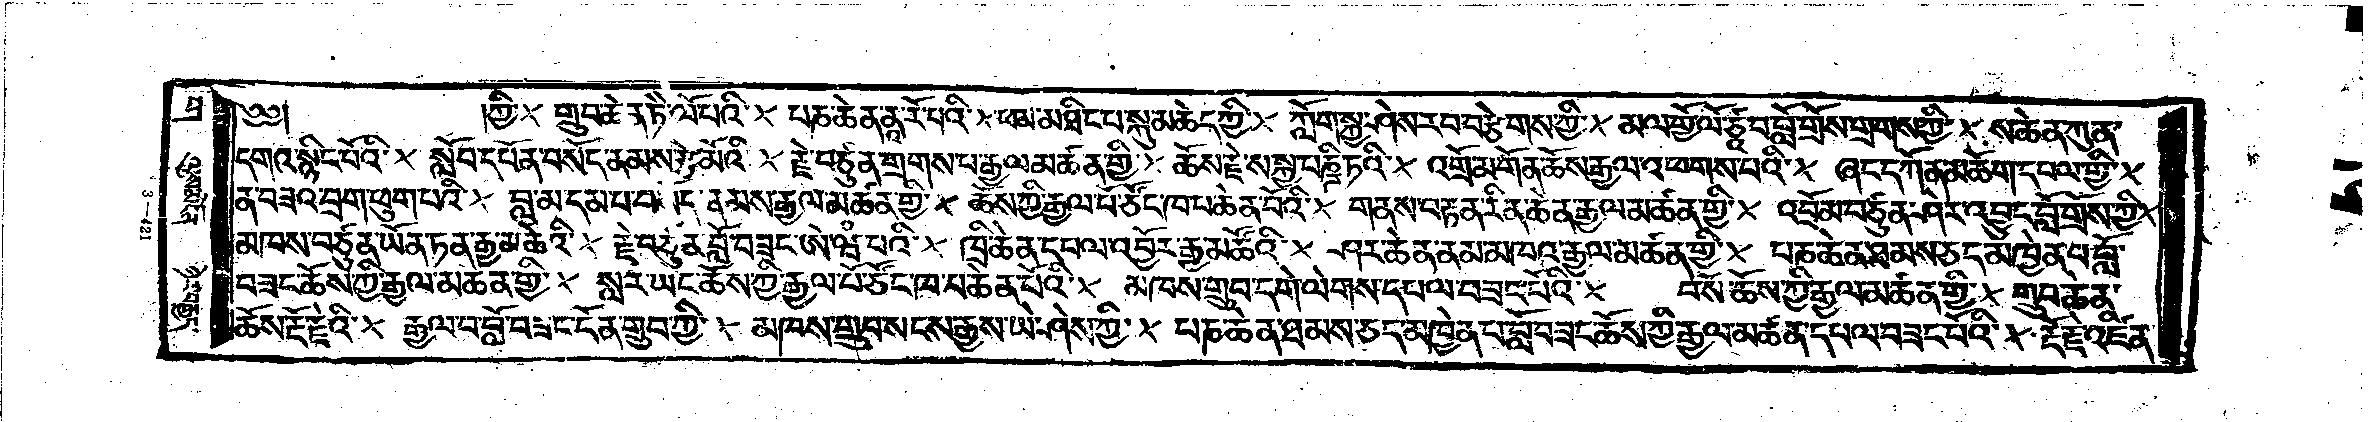༄༅། །ཀྱི྾་གྲུབ་ཆེན་ཏཻ་ལོ་པའི྾་པཎ་ཆེན་ནཱ་རོ་པའི་྾་ཕམ་མཐིང་པ་སྐུ་མཆེད་ཀྱི྾་ཀློག་སྐྱ་ཤེས་རབ་བརྩེགས་ཀྱི྾་མལ་གྱོ་ལོ་ཙཱ་བ་བློ་གྲོས་གྲགས་ཀྱི྾་ས་ཆེན་ཀུན་
དགའ་སྙིང་པོའི྾་སློབ་དཔོན་བསོད་ནམས་རྩེ་མོའི་྾་རྗེ་བཙུན་གྲགས་པ་རྒྱལ་མཚན་གྱི་྾་ཆོས་རྗེ་ས་སྐྱ་པཎྜི་ཏའི་྾་འགྲོ་མགོན་ཆོས་རྒྱལ་འཕགས་པའི་྾་ཞང་དཀོན་མཆོག་དཔལ་གྱི་྾་
ན་བཟའ་བྲག་ཕུག་པའི་྾་བླ་མ་དམ་པ་བསོད་ནམས་རྒྱལ་མཚན་གྱི་྾་ཆོས་ཀྱི་རྒྱལ་པོ་ཙོང་ཁ་པ་ཆེན་པོའི་྾་གནས་བརྟན་རིན་ཆེན་རྒྱལ་མཚན་གྱི་྾་འབྲོམ་བཙུན་ཤེར་འབྱུང་བློ་གྲོས་ཀྱི་྾་
མཁས་བཙུན་ཡོན་ཏན་རྒྱ་མཆེའི་྾་རྗེ་བཙུན་བློ་བཟང་ཨེ་ཝཾ་པའི་྾་ཁྲི་ཆེན་དཔལ་འབྱོར་རྒྱ་མཚོའི་྾་ཤར་ཆེན་ནམ་མཁའ་རྒྱལ་མཚན་གྱི་྾་པཎ་ཆེན་ཐམས་ཅད་མཁྱེན་པ་བློ་
བཟང་ཆོས་ཀྱི་རྒྱལ་མཆན་གྱི་྾་སླར་ཡང་ཆོས་ཀྱི་རྒྱལ་པོ་ཙོང་ཁ་པ་ཆེན་པོའི་྾་མཁས་གྲུབ་དགེ་ལེགས་དཔལ་བཟང་པོའི྾་བ་སོ་ཆོས་ཀྱི་རྒྱལ་མཚན་གྱི་྾་གྲུབ་ཆེན་
ཆོས་རྡོ་རྗེའི་྾་རྒྱལ་བ་བློ་བཟང་དོན་གྲུབ་ཀྱི་྾་མཁས་གྲུབ་སངས་རྒྱས་ཡེ་ཤེས་ཀྱི་྾་པཎ་ཆེན་ཐམས་ཅད་མཁྱེན་པ་བློ་བཟང་ཆོས་ཀྱི་རྒྱལ་མཚན་དཔལ་བཟང་པོའི་྾་རྡོ་རྗེ་འཛིན་